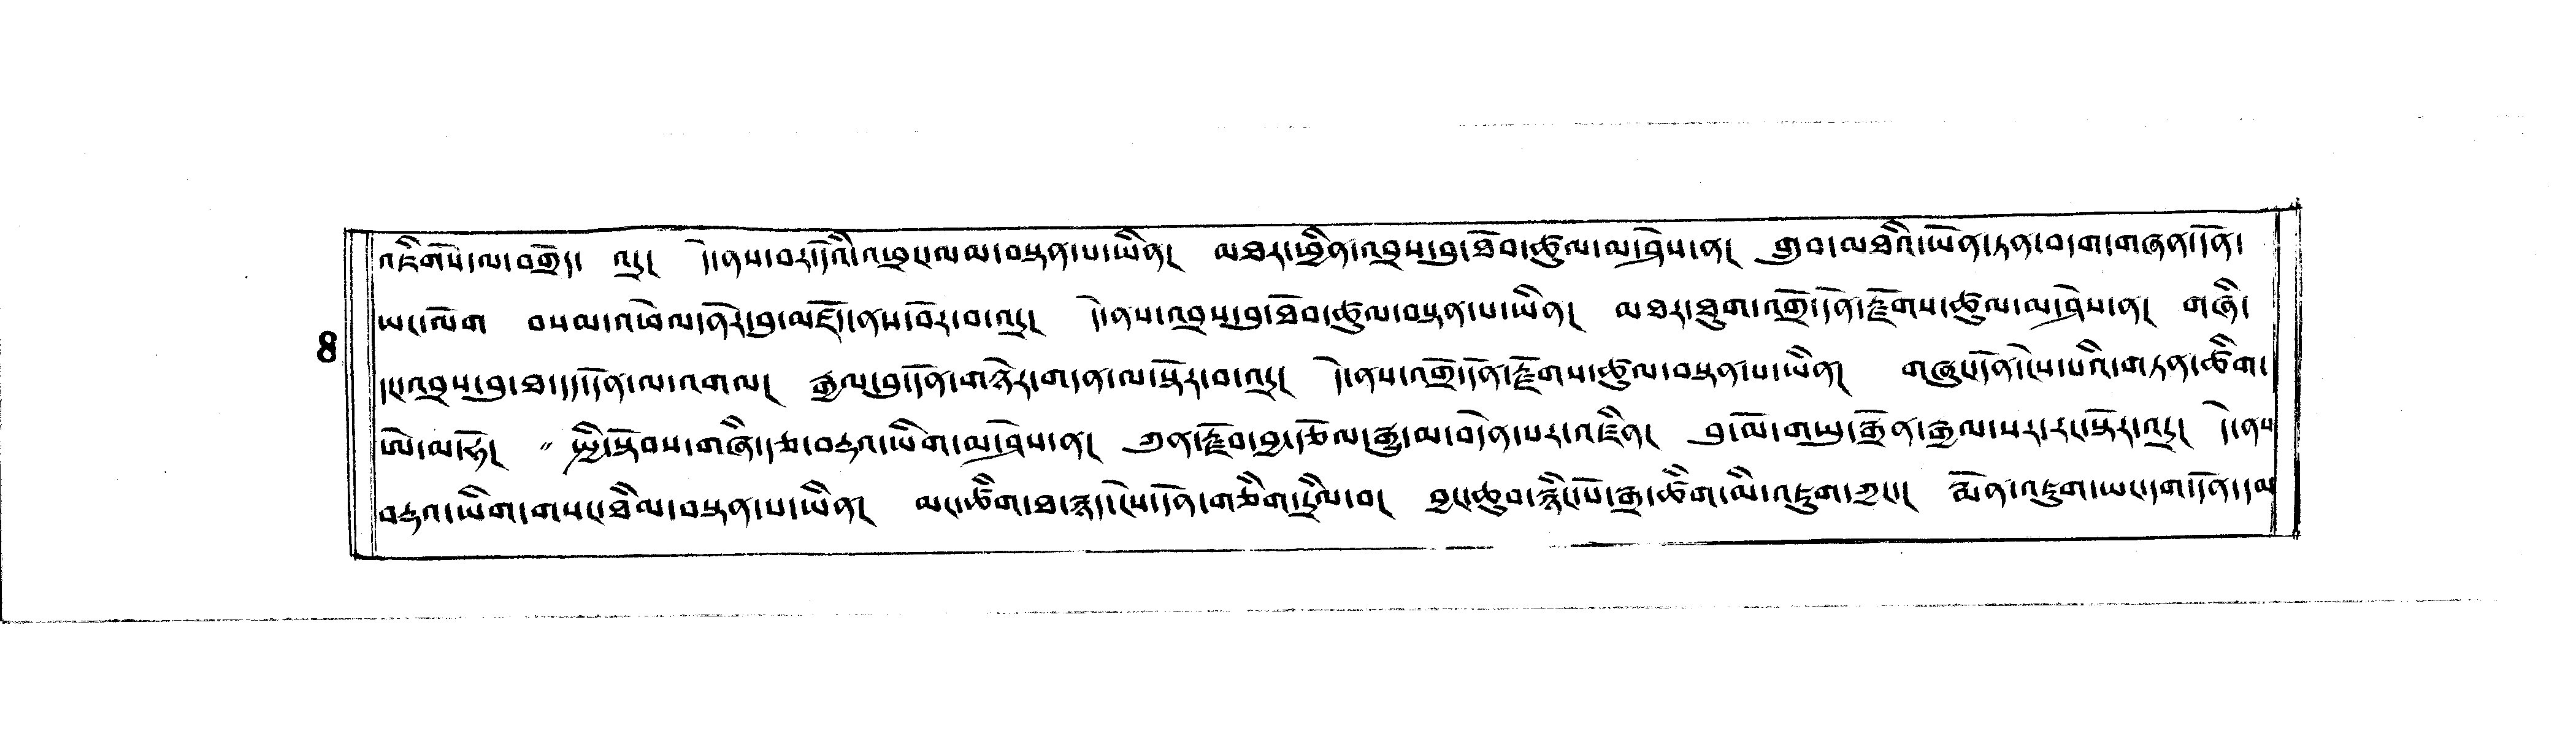འཇིགས་སོ་ལ་བགྲོད་འདྲ། དེ་ནས་བར་དོའི་འཕྲང་ལམ་བསྟན་པ་ཡིན། མཐར་ཕྱིན་འབྲས་བུ་འཐོབ་ཚུལ་མ་ཤེས་ན། གྲུབ་མཐའི་ཡོན་ཏན་བདག་གཞན་དོན་
ཡང་ལོག བསམ་འཕེལ་ནོར་བུ་མཛོད་ནས་བོར་བ་འདྲ། དེ་ནས་འབྲས་བུ་ཐོབ་ཚུལ་བསྟན་པ་ཡིན། མཐར་ཐུག་འགྲོ་དོན་རྫོགས་ཚུལ་མ་ཤེས་ན། གཞི་
དང་འབྲས་བུ་ཐ་དད་དོན་ལ་འགལ། རྒྱལ་བུ་དོན་གཉེར་གདན་ལ་སྟོར་བ་འདྲ། དེ་ནས་འགྲོ་དོན་རྫོགས་ཚུལ་བསྟན་པ་ཡིན། གཞུང་དོན་ངེས་པའི་གཏན་ཚིགས་
ཨེ་མ་ཧོ། སྤྱི་སྟོབས་གཞི་རྩ་བརྡ་ཡིག་མ་ཤེས་ན། ཀུན་རྫོབ་བྱ་རྩོལ་སྒྱུ་མ་བདེན་པར་འཛིན། བུ་མོ་གཡུ་སྒྲོན་རྒྱལ་སར་རང་སྟོར་འདྲ། དེ་ནས་
བརྡའ་ཡིག་གསང་ཐིམ་བསྟན་པ་པ་ཡིན། མང་ཚིག་ཐ་སྙད་ངེས་དོན་གཅིག་དྲིལ་བ། བྱང་ཆུབ་སྙིང་པོ་སྒྲ་ཚིག་མི་འཇུག་ཀྱང་། སྨོན་འཇུག་ཡང་དག་དོན་དམ་